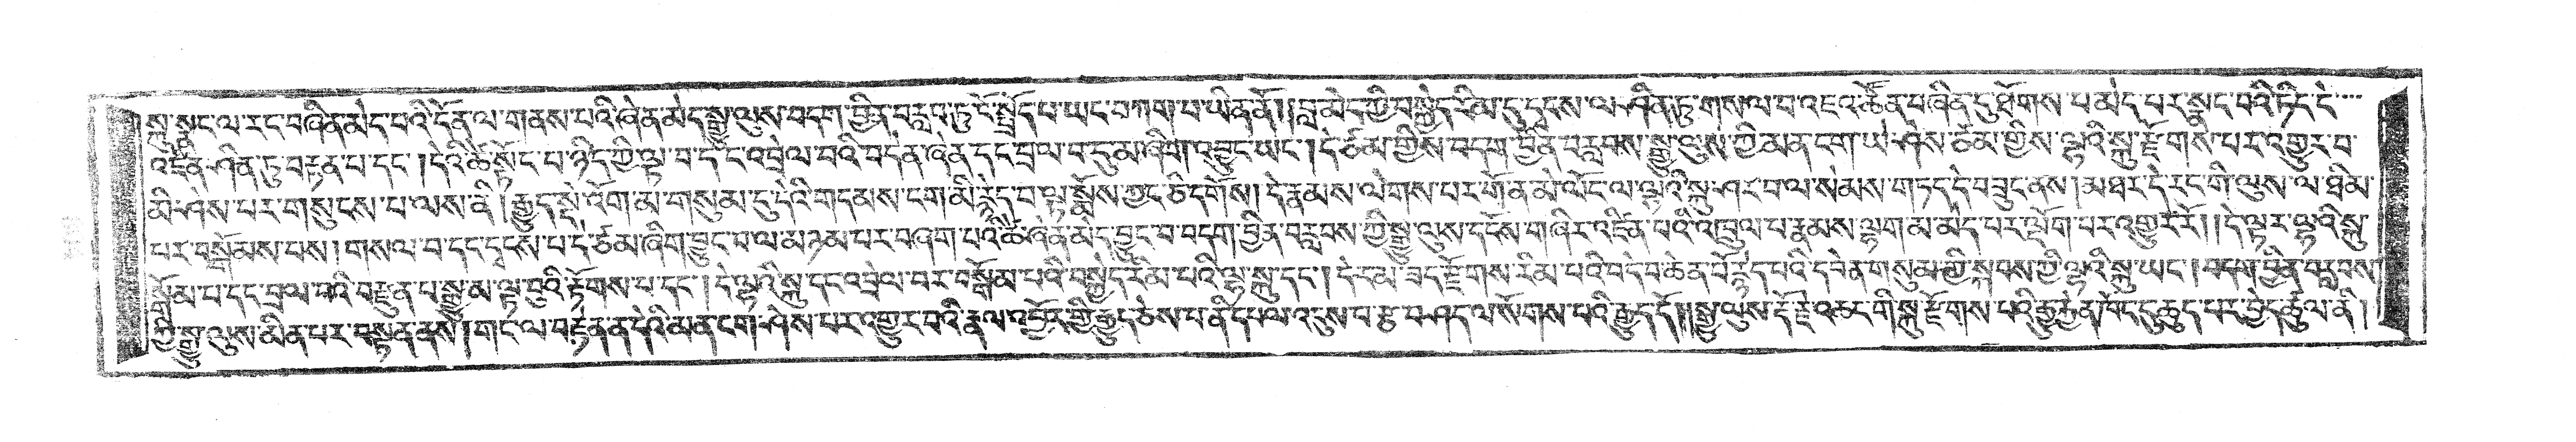སྐུ་སྣང་ལ་རང་བཞིན་མེད་པའི་དོན་ལ་གནས་པའི་ཞེན་མེད་སྒྱུ་ལུས་བདག་བྱིན་བརླབ་ཏུ་ངོ་སྤྲོད་པ་ཡང་བཀག་པ་ཡིན་ནོ། །བླ་མེད་ཀྱི་བསྐྱེད་རིམ་དུ་དྭངས་ལ་ཤིན་ཏུ་གསལ་བ་འཇའ་ཚོན་བཞིན་དུ་ཐོགས་པ་མེད་པར་སྣང་བའི་ཏིང་ངེ་
འཛིན་ཤིན་ཏུ་བརྟན་པ་དང་། དེའི་ཚེ་སྟོང་པ་ཉིད་ཀྱི་ལྟ་བ་དང་འབྲེལ་བའི་བདེན་ཞེན་དང་བྲལ་བ་དུ་མ་ཞིག་འབྱུང་ཡང་། དེ་ཙམ་གྱིས་བདག་བྱིན་བརླབས་སྒྱུ་ལུས་ཀྱི་མན་ངག་ཡེ་ཤེས་ཙམ་གྱིས་ལྷའི་སྐུ་རྫོགས་པར་འགྱུར་བ་
མི་ཤེས་པར་གསུངས་པ་ལས་ནི། རྒྱུད་སྡེ་འོག་མ་གསུམ་དུ་དེའི་གདམས་ངག་མི་རྙེད་པ་ལྟ་སྨོས་ཀྱང་ཅི་དགོས། དེ་རྣམས་ལེགས་པར་གོ་ན་མེ་ལོང་ལ་ལྷའི་སྐུ་ཤར་བ་ལ་སེམས་གཏད་དེ་བཟུང་ནས། མཐར་དེ་རང་གི་ལུས་ལ་ཐིམ་
པར་བསྒོམས་པས། གསལ་བ་དང་དྭངས་པ་དེ་ཙམ་ཞིག་བྱུང་བ་ལ་མཉམ་པར་བཞག་པའི་ཚེ་ཞེན་མེད་བྱུང་བ་བདག་བྱིན་བརླབས་ཀྱི་སྒྱུ་ལུས་དངོས་གཞིར་འཛིན་པའི་འཁྲུལ་པ་རྣམས་ལྷག་མ་མེད་པར་ལྡོག་པར་འགྱུར་རོ། །དེ་ལྟར་ལྷའི་སྐུ་
སྒོམ་པ་དང་བྲལ་བའི་བརྫུན་པ་སྒྱུ་མ་ལྟ་བུའི་རྟོགས་པ་དང་། དེ་ལྷའི་སྐུ་དང་འབྲེལ་བར་བསྒོམ་པའི་བསྐྱེད་རིམ་པའི་ལྷ་སྐུ་དང་། དེར་མ་ཟད་རྫོགས་རིམ་པའི་བདེ་བ་ཆེན་པོ་རྙེད་པའི་དབེན་གསུམ་གྱི་སྐབས་ཀྱི་ལྷའི་སྐུ་ཡང་། བདག་བྱིན་བརླབས་
ཀྱི་སྒྱུ་ལུས་མིན་པར་བསྟན་ནས། གང་ལ་བརྟེན་ན་དེའི་མན་ངག་ཤེས་པར་འགྱུར་བའི་རྣལ་འབྱོར་གྱི་རྒྱུད་ཅེས་པ་ནི་དཔལ་འདུས་པ་རྩ་བཤད་ལ་སོགས་པའི་རྒྱུད་དོ། །སྒྱུ་ལུས་རྡོ་རྗེ་འཆང་གི་སྐུ་རྫོགས་པའི་རྒྱུ་རྐྱེན་ཁོང་དུ་ཆུད་པར་བྱེད་ཚུལ་ནི།